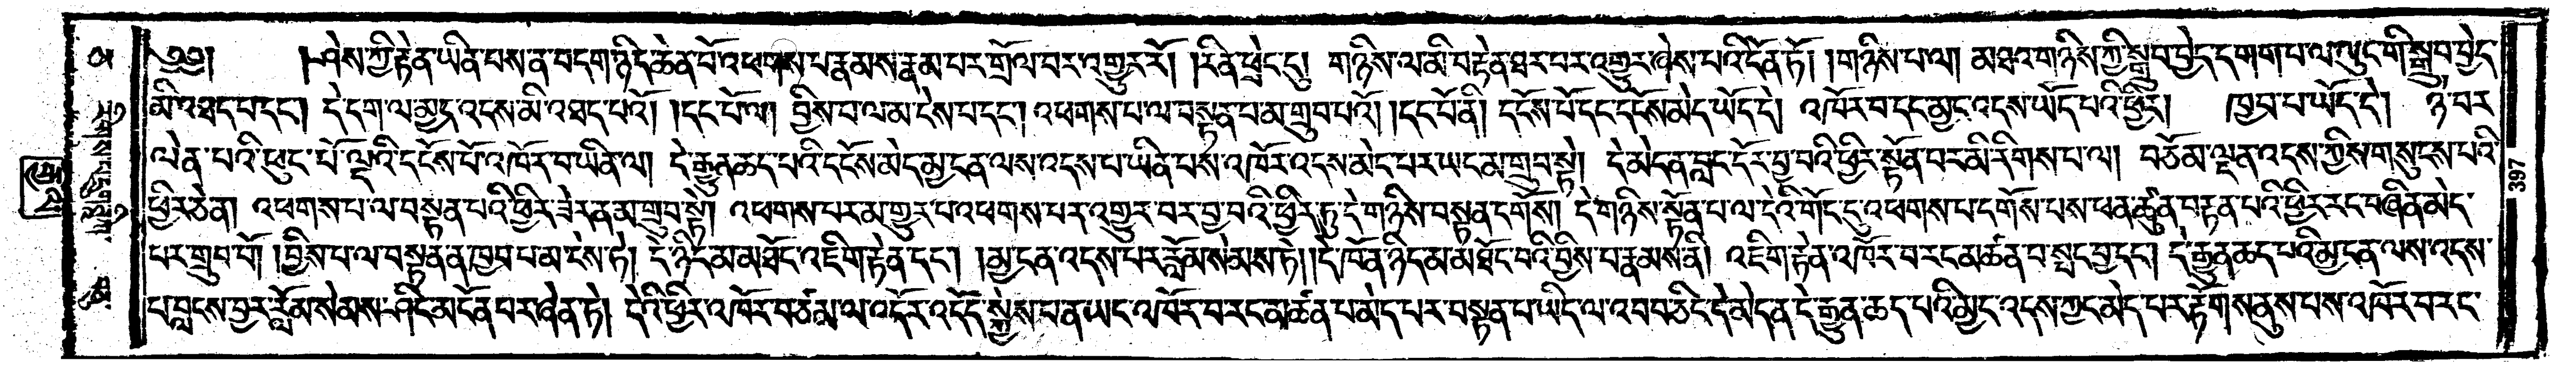༄༅། །ཤེས་ཀྱི་རྟེན་ཡིན་པས་ན་བདག་ཉིད་ཆེན་པོ་འཕགས་པ་རྣམས་རྣམ་པར་གྲོལ་བར་འགྱུར་རོ། །རིན་ཕྲེང་དུ། གཉིས་ལ་མི་བརྟེན་ཐར་པར་འགྱུར་ཞེས་པའི་དོན་ཏོ། །གཉིས་པ་ལ། མཐའ་གཉིས་ཀྱི་སྒྲུབ་བྱེད་དགག་པ་ལ་ལུང་གི་སྒྲུབ་བྱེད་
མི་འཐད་པ་དང་། དེ་དག་ལ་མྱང་འདས་མི་འཐད་པའོ། །དང་པོ་ལ། བྱིས་པ་ལ་མ་ངེས་པ་དང་། འཕགས་པ་ལ་བསྟན་པ་མ་གྲུབ་པའོ། །དང་པོ་ནི། དངོས་པོ་དང་དངོས་མེད་ཡོད་དེ། འཁོར་བ་དང་མྱང་འདས་ཡོད་པའི་ཕྱིར། ཁྱབ་པ་ཡོད་དེ། ཉེ་བར་
ལེན་པའི་ཕུང་པོ་ལྔའི་དངོས་པོ་འཁོར་བ་ཡིན་ལ། དེ་རྒྱུན་ཆད་པའི་དངོས་མེད་མྱ་ངན་ལས་འདས་པ་ཡིན་པས་འཁོར་འདས་མེད་པར་ཡང་མ་གྲུབ་སྟེ། དེ་མེད་ན་བླང་དོར་བྱ་བའི་ཕྱིར་སྟོན་པར་མི་རིགས་པ་ལ། བཅོམ་ལྡན་འདས་ཀྱིས་གསུངས་པའི་
ཕྱིར་ཅེ་ན། འཕགས་པ་ལ་བསྟན་པའི་ཕྱིར་ཟེར་ན་མ་གྲུབ་སྟེ། འཕགས་པར་མ་གྱུར་པ་འཕགས་པར་འགྱུར་བར་བྱ་བའི་ཕྱིར་ཏུ་དེ་གཉིས་བསྟན་དགོས། དེ་གཉིས་སྟོན་པ་ལ་དེའི་གོང་དུ་འཕགས་པ་དགོས་པས་ཕན་ཚུན་བརྟན་པའི་ཕྱིར་རང་བཞིན་མེད་
པར་གྲུབ་པོ། །བྱིས་པ་ལ་བསྟན་ན་ཁྱབ་པ་མ་ངེས་ཏེ། དེ་ཉིད་མ་མཐོང་འཇིག་རྟེན་དང་། །མྱ་ངན་འདས་པར་རློམ་སེམས་ཏེ། །དེ་ཁོ་ན་ཉིད་མ་མཐོང་བའི་བྱིས་པ་རྣམས་ནི། འཇིག་རྟེན་འཁོར་བ་རང་མཚན་བས་སྤང་བྱ་དང་། དེ་རྒྱུན་ཆད་པའི་མྱ་ངན་ལས་འདས་
པ་བླངས་བྱར་རློམ་སེམས་ཤིང་མངོན་པར་ཞེན་ཏེ། དེའི་ཕྱིར་འཁོར་བ་ཙམ་ལ་འདོར་འདོད་སྐྱེས་པ་ན་ཡང་འཁོར་བ་རང་མཚན་པ་མེད་པར་བསྟན་པ་ཡིད་ལ་འབབ་ཅིང་དེ་མེད་ན་དེ་རྒྱུན་ཆད་པའི་མྱང་འདས་ཀྱང་མེད་པར་རྟོགས་ནུས་པས་འཁོར་བ་རང་